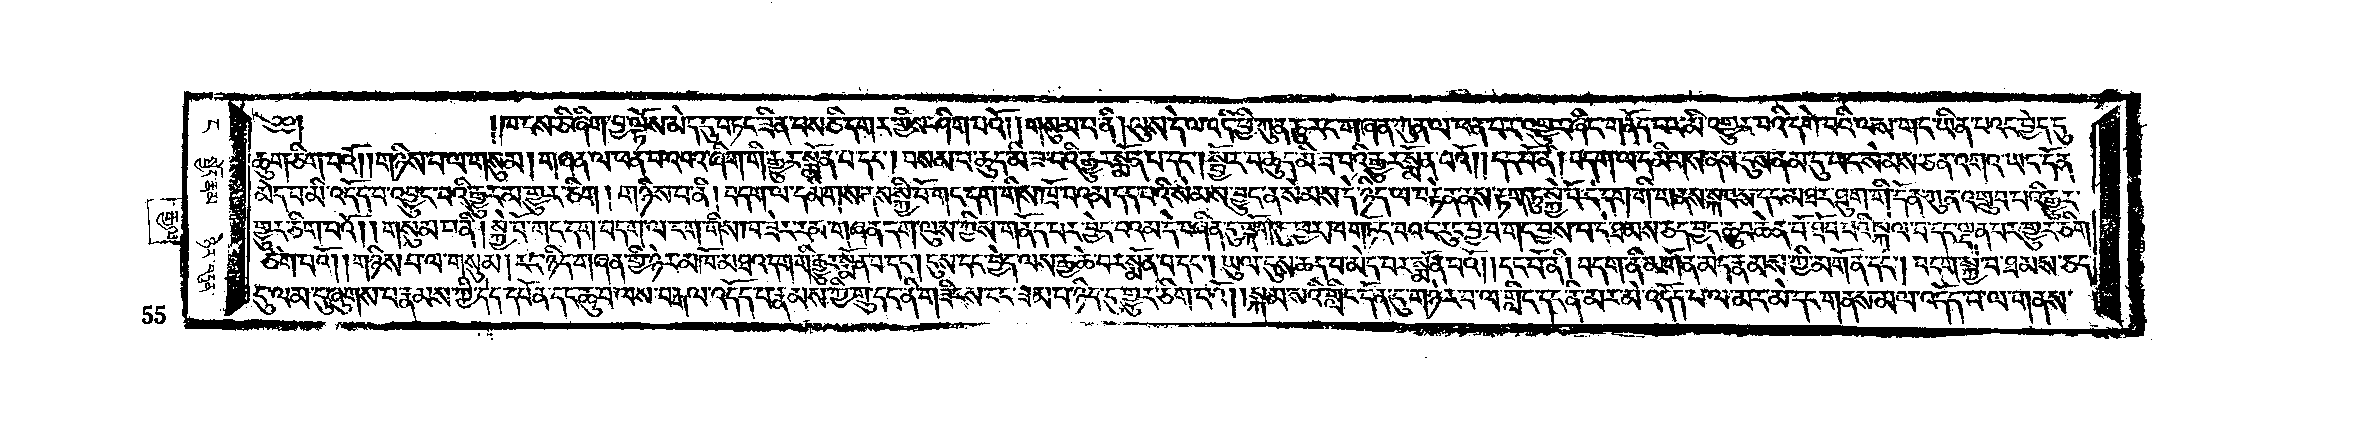༄༅། །ཁ་ངས་ཅི་ཞིག་བྱ་ལྟོས་མེད་དུ་བཏང་ཟིན་པས་ཅི་དགར་གྱིས་ཤིག་པའོ། །གསུམ་པ་ནི། ལུས་དེ་ལ་འདི་ཕྱི་ཀུན་ཏུ་རང་གཞན་ཀུན་ལ་ཕན་པར་འགྱུར་ཞིང་གནོད་པར་མི་འགྱུར་བའི་དགེ་བའི་ལས་གང་ཡིན་པའང་བྱེད་དུ་
ཆུག་གཅིག་པའོ། །གཉིས་པ་ལ་གསུམ། གཞན་ལ་ཕན་པ་འབའ་ཞིག་གི་རྒྱུར་སྨོན་པ་དང་། བསམ་པ་ཆུད་མི་ཟ་བའི་རྒྱུར་སྨོན་པ་དང་། སྦྱོར་བ་ཆུད་མི་ཟ་བའི་རྒྱུར་སྨོན་པའོ། །དང་པོ་ནི། བདག་ལ་དམིགས་ནས་དུས་ནམ་དུ་ཡང་སེམས་ཅན་འགའ་ཡང་དོན་
མེད་པ་མི་འདོད་པ་འབྱུང་བའི་རྒྱུར་མ་གྱུར་ཅིག །གཉིས་པ་ནི། བདག་ལ་དམིགས་ནས་སྐྱི་བོ་གང་དག་གིས་ཁྲོ་བའམ་དད་པའི་སེམས་བྱུང་ན་སེམས་དེ་ཉིད་ལ་བརྟེན་ནས་རྟག་ཏུ་སྐྱེ་བོ་དེ་དག་གི་གནས་སྐབས་དང་མཐར་ཐུག་གི་དོན་ཀུན་འགྲུབ་པའི་རྒྱུར་
གྱུར་ཅིག་པའོ། །གསུམ་པ་ནི། སྐྱེ་བོ་གང་དག་བདག་ལ་ངག་གིས་ཁ་ཟེར་རམ་གཞན་དག་ལུས་ཀྱིས་གནོད་པར་བྱེད་པའམ་དེ་བཞིན་དུ་ལྐོག་ཏུ་ཕྱིར་ཁ་གཏོད་བའང་རུང་བྱ་བ་གང་བྱས་པ་དེ་ཐམས་ཅད་བྱང་ཆུབ་ཆེན་པོ་ཐོབ་པའི་སྐལ་པ་དང་ལྡན་པར་གྱུར་ཅིག་
ཅིག་པའོ། །གཉིས་པ་ལ་གསུམ། རང་ཉིད་གཞན་གྱི་ཉེར་མཁོ་མཐའ་དག་གི་རྒྱུར་སྨོན་པ་དང་། དུས་དང་བྱེད་ལས་རྒྱ་ཆེ་བར་སྨོན་པ་དང་། ཡུལ་དུས་ཆད་པ་མེད་པར་སྨོན་པའོ། །དང་པོ་ནི། བདག་ནི་མགོན་མེད་རྣམས་ཀྱི་མགོན་དང་། བདག་སྐྱེ་བ་ཐམས་ཅད་
དུ་ལམ་དུ་ཞུགས་པ་རྣམས་ཀྱི་དེད་དཔོན་དང་ཆུ་བ་ལས་བརྒལ་འདོད་པ་རྣམས་ཀྱི་གྲུ་དང་ནི་གཟིངས་དང་ཟམ་པ་ཉིད་དུ་གྱུར་ཅིག་པའོ། །སྐམ་སའི་གླིང་དོན་དུ་གཉེར་བ་ལ་གླིང་དང་ནི་མར་མེ་འདོད་པ་ལ་མར་མེ་དང་གནས་མལ་འདོད་པ་ལ་གནས་